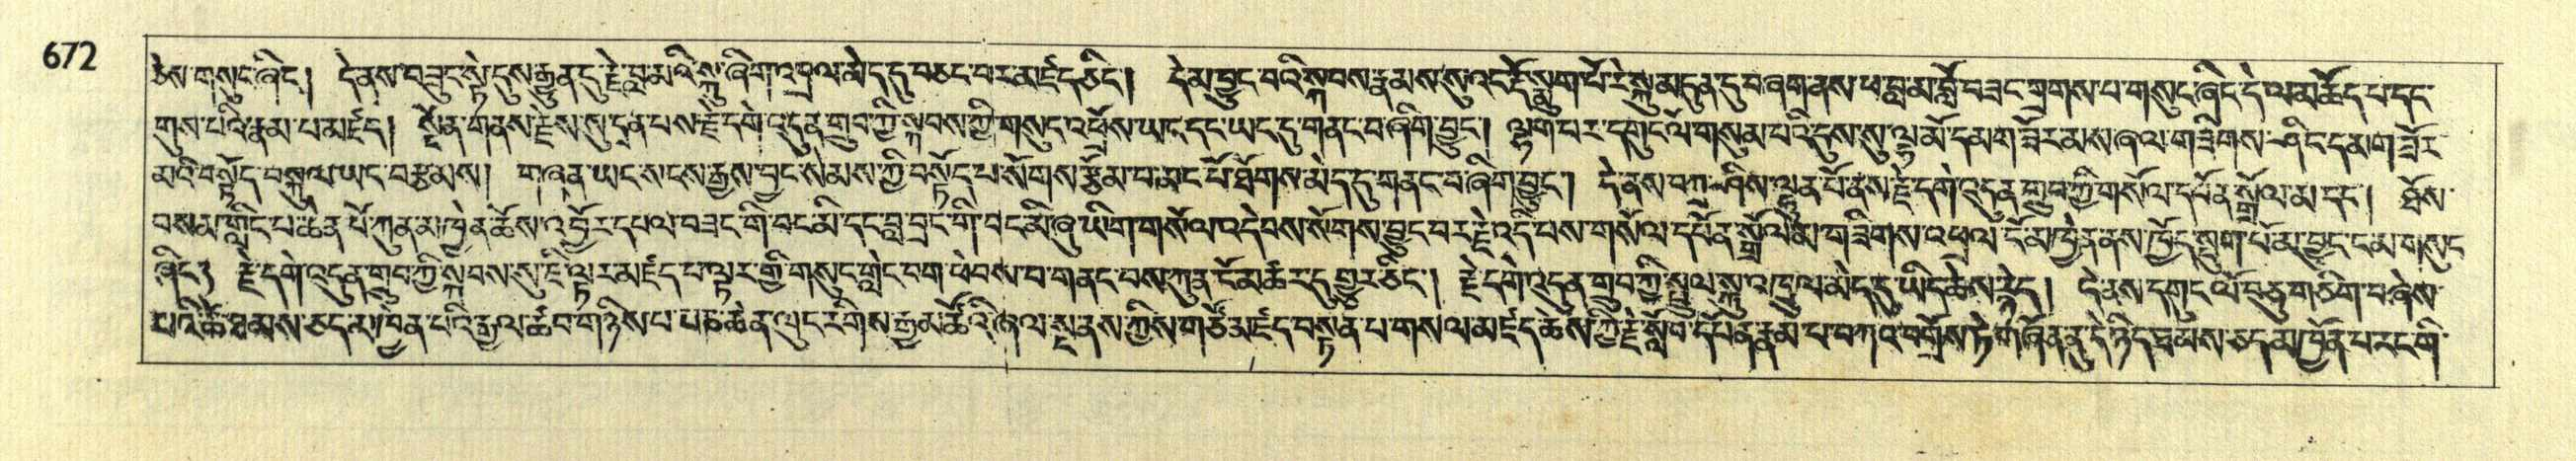ཅེས་གསུང་ཞིང་། དེ་ནས་བཟུང་སྟེ་དུས་རྒྱུན་དུ་རྗེ་བླ་མའི་སྐུ་ཞིག་འབྲལ་མེད་དུ་བཅང་བར་མཛད་ཅིང་། དེ་མ་བྱུང་བའི་སྐབས་རྣམས་སུའང་རྡོ་སྨུག་པོ་རེ་སྐུ་མདུན་དུ་བཞག་ནས་ཕ་བླ་མ་བློ་བཟང་གྲགས་པ་གསུང་ཞིང་དེ་ལ་མཆོད་པ་དང་
གུས་པའི་རྣམ་པ་མཛད། སྔོན་གནས་རྗེས་སུ་དྲན་པས་རྗེ་དགེ་འདུན་གྲུབ་ཀྱི་སྐབས་ཀྱི་གསུང་འཕྲོས་ཡང་དང་ཡང་དུ་གནང་བ་ཞིག་བྱུང་། ལྷག་པར་དགུང་ལོ་གསུམ་པའི་དུས་སུ་ལྷ་མོ་དམག་ཟོར་མས་ཞལ་གཟིགས་ཤིང་དམག་ཟོར་
མའི་བསྟོད་བསྐུལ་ཡང་བརྩམས། གཞན་ཡང་སངས་རྒྱས་བྱང་སེམས་ཀྱི་བསྟོད་པ་སོགས་རྩོམ་པ་མང་པོ་ཐོགས་མེད་དུ་གནང་བ་ཞིག་བྱུང་། དེ་ནས་བཀྲ་ཤིས་ལྷུན་པོ་ནས་རྗེ་དགེ་འདུན་གྲུབ་ཀྱི་གསོལ་དཔོན་སྒྲོལ་མ་དང་། ཐོས་
བསམ་གླིང་པ་ཆེན་པོ་ཀུན་མཁྱེན་ཆོས་འབྱོར་དཔལ་བཟང་གི་བང་མི་དང་བླ་བྲང་གི་བང་མི་ཞུ་ཡིག་གསོལ་འདེབས་སོགས་བྱུང་བར་ཨརྗེ་འདི་པས་གསོལ་དཔོན་སྒྲོལ་མ་གཟིགས་འཕྲལ་ངོ་མཁྱེན་ནས་ཁྱོད་སྡུག་པོ་མ་བྱུང་པ་མ་གསུང་
ཞིང༑ རྗེ་དགེ་འདུན་གྲུབ་ཀྱི་སྐབས་སུ་ཇི་ལྟར་མཛད་པ་ལྟར་གྱི་གསུང་གླེང་བག་ཕེབས་བ་གནང་བས་ཀུན་ངོ་མཚར་དུ་གྱུར་ཅིང་། རྗེ་དགེ་འདུན་གྲུབ་ཀྱི་སྤྲུལ་སྐུ་འཁྲུལ་མེད་དུ་ཡིད་ཆེས་རྙེད། དེ་ནས་དགུང་ལོ་བཅུ་གཅིག་བཞེས་
པའི་ཚེ་ཐམས་ཅད་མཁྱེན་པའི་རྒྱལ་ཚབ་གཉིས་པ་པཎ་ཆེན་ལུང་རིགས་རྒྱ་མཚོའི་ཞལ་སྔ་ནས་ཀྱིས་གཙོ་མཛད་བསྟན་པ་གསལ་མཛད་ཆེས་ཀྱི་རྗེ་སློབ་དཔོན་རྣམ་པ་བཀའ་བགྲོས་ཏེ་གཞོན་ནུ་དེ་ཉིད་ཐམས་ཅད་མཁྱོན་པ་རང་གི་